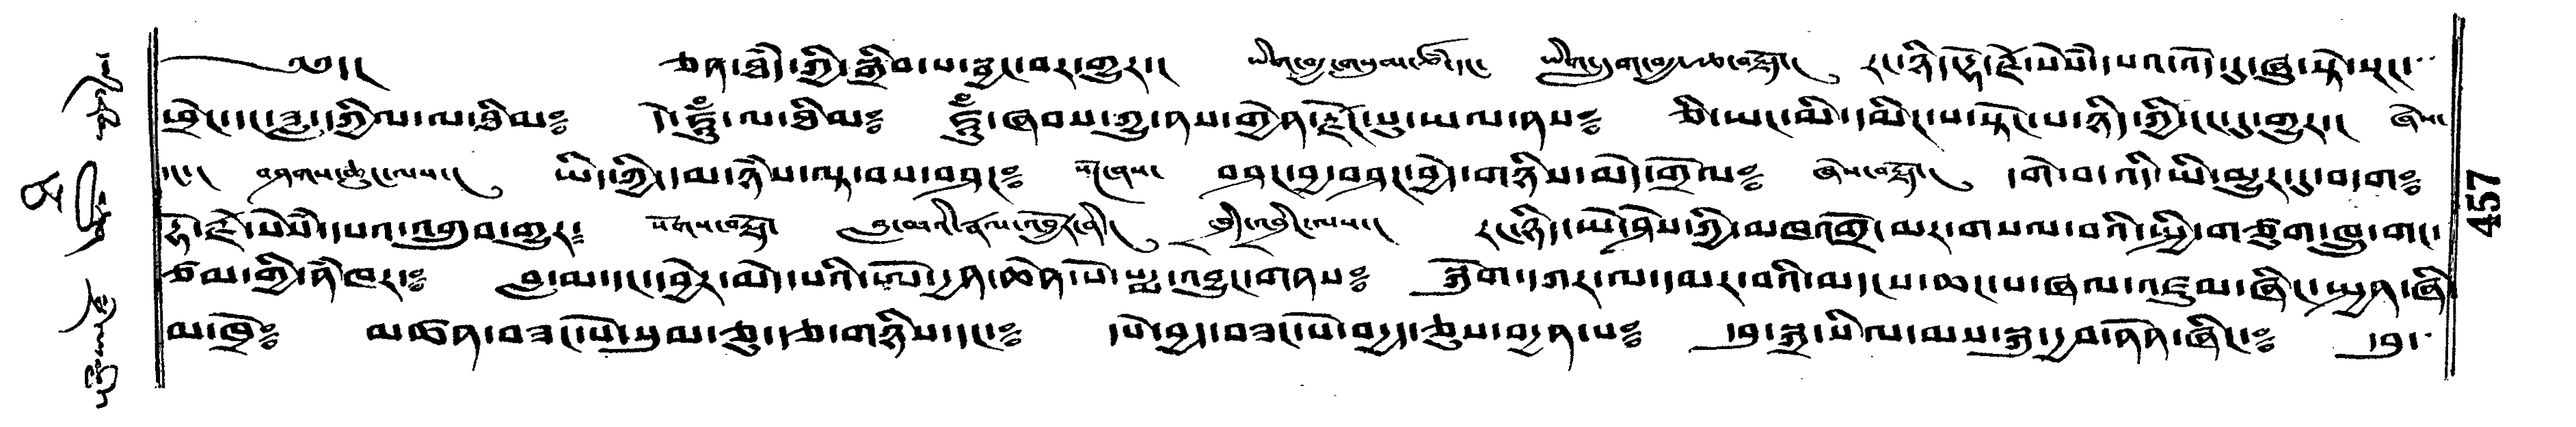ཅན་ཐམས་ཅད་ཀྱི་སྒྲིབ་པ་སྦྱང་བར་གྱུར༔ ཡིག་བརྒྱ་གསུམ་ཙམ་དང་། ཡིག་དྲུག་བརྒྱ་རྩ་བརྗོད། རང་ཉིད་རྡོ་རྗེ་སེམས་དཔའ་འོད་དུ་ཞུ་སྟེ་སྔགས་
ཕྲེང་དང་ཟླ་དཀྱིལ་ལ་ཐིམ༔ དེ་ཧཱུྃ་ལ་ཐིམ༔ ཧཱུྃ་ཞབས་ཀྱུ་ནས་གྱེན་རྫོགས་སུ་ཡལ་ནས༔ ཅི་ཡང་མི་དམིགས་པ་སྟོང་པ་ཉིད་ཀྱི་ངང་དུ་གྱུར༔ ཞེས་
དང་། བཤགས་ཆུང་ལས། ཡིད་ཀྱི་དམ་ཉམས་ལྟ་བས་བཤགས། སོགས་ནས། བཤགས་བྱ་བཤགས་བྱེད་གཉིས་མེད་གྲོལ། ཞེས་བརྗོད། དགེ་བ་འདི་ཡི་མྱུར་དུ་བདག །
རྡོ་རྗེ་སེམས་དཔའ་འགྲུབ་གྱུར༴ སོགས་བརྗོད། བླ་མའི་རྣལ་འབྱོར་ནི། ཁྲིད་འབྲིང་ལས། རང་ཉིད་ཡེ་ཤེས་ཀྱི་མཁའ་འགྲོ་མར་གསལ་བའི་སྤྱི་གཙུག་ཁྲུ་གང་
ཙམ་གྱི་ནམ་མཁར༔ བླ་མ་དང་དབྱེར་མེད་པའི་ཨོ་རྒྱན་ཆེན་པོ་པདྨ་འབྱུང་གནས༔ སྐུ་མདོག་དཀར་ལ་དམར་བའི་མདངས་ཆགས་པ་ཞལ་འཛུམ་ཞིང་སྤྱན་ཞི་
མ་ཁྲོ༔ མཚན་བཟང་པོ་སུམ་ཅུ་རྩ་གཉིས་དང༔ དཔེ་བྱད་བཟང་པོ་བརྒྱད་ཅུས་བརྒྱན་པ༔ དབུ་སྐྲ་སིལ་མས་སྐུ་རྒྱབ་ནོན་ཞིང༔ དབུ་